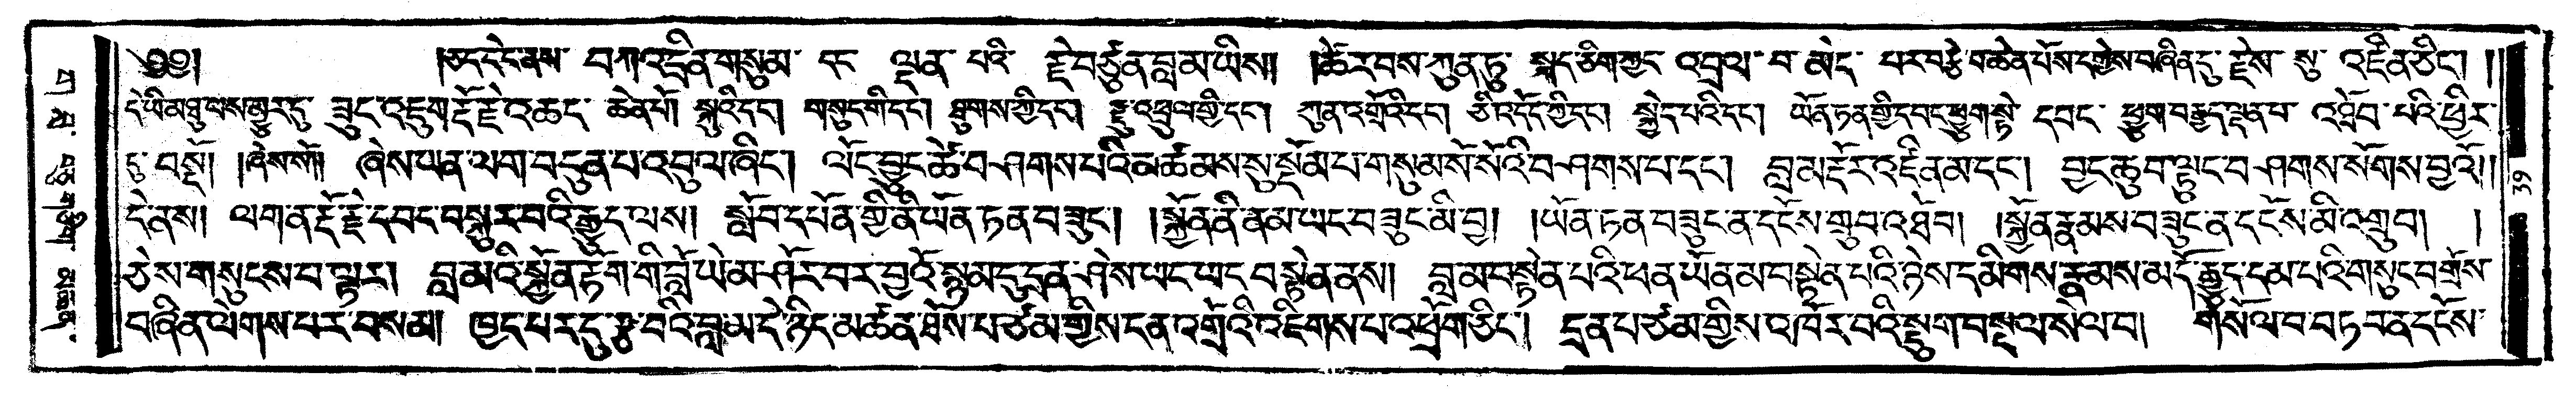༄༅། །ཅད་དེང་ནས་བཀའ་དྲིན་གསུམ་དང་ལྡན་པའི་རྗེ་བཙུན་བླ་མ་ཡིས། །ཚེ་རབས་ཀུན་ཏུ་སྐད་ཅིག་ཀྱང་འབྲལ་བ་མེད་པར་བརྩེ་བ་ཆེན་པོས་དགྱེས་བཞིན་དུ་རྗེས་སུ་འཛིན་ཅིང་། །
དེ་ཡི་མཐུ་ལས་མྱུར་དུ་ཟུང་འཇུག་རྡོ་རྗེ་འཆང་ཆེན་པོ། སྐུའི་དང་། གསུང་གི་དང་། ཐུགས་ཀྱི་དང་། རྫུ་འཕྲུལ་གྱི་དང་། ཀུན་འགྲོའི་དང་། ཅི་འདོད་ཀྱི་དང་། སྐྱེད་པའི་དང་། ཡོན་ཏན་གྱི་དབང་ཕྱུག་སྟེ་དབང་ཕྱུག་བརྒྱད་ལྡན་པ་འཐོབ་པའི་ཕྱིར་
དུ་བསྔོ། །ཞེས་སོ།། ཞེས་ཡན་ལག་བདུན་པ་འབུལ་ཞིང་། ལོང་བྱུང་ཚེ་བཤགས་པའི་མཚམས་སུ་སྡོམ་པ་གསུམ་སོ་སོའི་བཤགས་པ་དང་། བླ་མ་རྡོར་འཛིན་མ་དང་། བྱང་ཆུབ་ལྟུང་བཤགས་སོགས་བྱའོ།།
དེ་ནས། ལག་ན་རྡོ་རྗེ་དབང་བསྐུར་བའི་རྒྱུད་ལས། སློབ་དཔོན་གྱི་ནི་ཡོན་ཏན་བཟུང་། །སྐྱོན་ནི་ནམ་ཡང་བཟུང་མི་བྱ། །ཡོན་ཏན་བཟུང་ན་དངོས་གྲུབ་འཐོབ། །སྐྱོན་རྣམས་བཟུང་ན་དངོས་མི་འགྲུབ། །
ཅེས་གསུངས་པ་ལྟར། བླ་མའི་སྐྱོན་རྟོག་གི་བློ་ཡེ་མ་ཤོར་བར་བྱའོ་སྙམ་དུ་དྲན་ཤེས་ཡང་ཡང་བསྟེན་ནས། བླ་མ་བསྟེན་པའི་ཕན་ཡོན་མ་བསྟེན་པའི་ཉེས་དམིགས་རྣམས་མདོ་རྒྱུད་དམ་པའི་གསུང་བགྲོས་
བཞིན་ལེགས་པར་བསམ། ཁྱད་པར་དུ་རྩ་བའི་བླ་མ་དེ་ཉིད་མཚན་ཐོས་པ་ཙམ་གྱིས་ངན་འགྲོའི་འཇིགས་པ་འཕྲོག་ཅིང་། དྲན་པ་ཙམ་གྱིས་འཁོར་བའི་སྡུག་བསྔལ་སེལ་བ། གསོལ་བ་བཏབ་ན་དངོས་